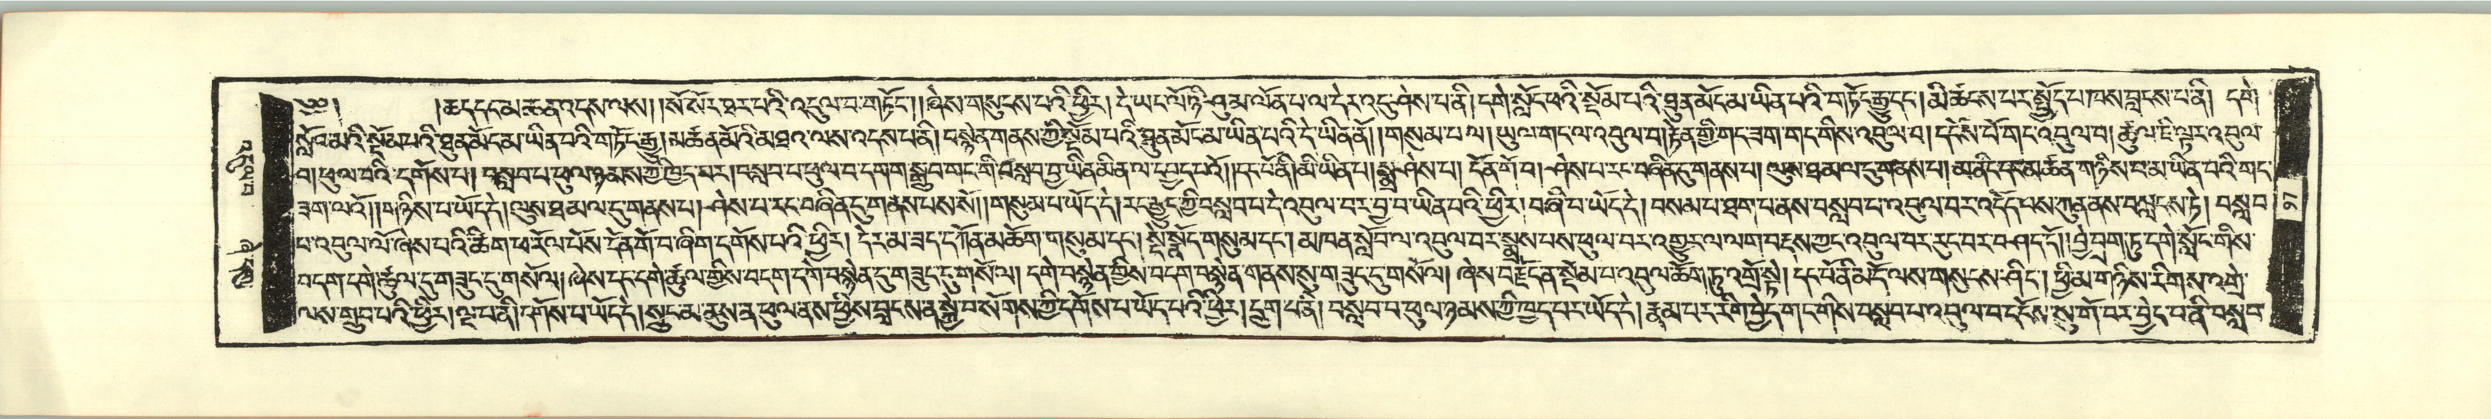༄༅། །ཆད་དང་མཆན་འདས་ལས། །སོ་སོར་ཐར་པའི་འདུལ་བ་གཏོང་། །ཞེས་གསུངས་པའི་ཕྱིར། དེ་ཡང་ལོ་ཉི་ཤུམ་ལོན་པ་ལ་དེར་འདུ་ཤེས་པ་ནི། དགེ་སློང་ཕའི་སྡོམ་པའི་ཐུན་མོང་མ་ཡིན་པའི་གཏོང་རྒྱུ་དང་། མི་ཚངས་པར་སྤྱོད་པ་ཁས་བླངས་པ་ནི། དགེ་
སློབ་མའི་སྡོམ་པའི་ཐུན་མོང་མ་ཡིན་པའི་གཏོང་རྒྱུ། མཚན་མོའི་མཐའ་ལས་འདས་པ་ནི། བསྙེན་གནས་ཀྱི་སྡོམ་པའི་ཐུན་མོང་མ་ཡིན་པའི་དེ་ཡིན་ནོ། །གསུམ་པ་ལ། ཡུལ་གང་ལ་འབུལ་བ། རྟེན་གྱི་གང་ཟག་གང་གིས་འབུལ་བ། དངོས་པོ་གང་འབུལ་བ། ཚུལ་ཇི་ལྟར་འབུལ་
བ། ཕུལ་བའི་དགོས་པ། བསླབ་པ་ཕུལ་ཉམས་ཀྱི་ཁྱད་པར། བསླབ་པ་ཕུལ་བ་དགག་སྒྲུབ་གང་གི་བསླབ་བྱ་ཡིན་མིན་ལ་དཔྱད་པའོ། །དང་པོ་ནི། མི་ཡིན་པ། སྨྲ་ཤེས་པ། དོན་གོ་བ། ཤེས་པ་རང་བཞིན་དུ་གནས་པ། ལུས་ཐ་མལ་དུ་གནས་པ། མ་ནིང་དང་མཚན་གཉིས་པ་མ་ཡིན་པའི་གང་
ཟག་ལའོ། །གཉིས་པ་ཡོད་དེ། ལུས་ཐ་མལ་དུ་གནས་པ། ཤེས་པ་རང་བཞིན་དུ་གནས་པས་སོ། །གསུམ་པ་ཡོད་དེ། རང་རྒྱུད་ཀྱི་བསླབ་པ་དེ་འབུལ་བར་བྱ་བ་ཡིན་པའི་ཕྱིར། བཞི་བ་ཡོད་དེ། བསམ་པ་ཐག་པ་ནས་བསླབ་པ་འབུལ་བར་འདོད་པས་ཀུན་ནས་བསླངས་ཏེ། བསླབ་
པ་འབུལ་ལོ་ཞེས་པའི་ཚིག་ཕ་རོལ་པོས་དོན་གོ་བ་ཞིག་དགོས་པའི་ཕྱིར། དེར་མ་ཟད་དཀོན་མཆོག་གསུམ་དང་། སྡེ་སྣོད་གསུམ་དང་། མཁན་སློབ་ལ་འབུལ་བར་སྨྲས་པས་ཕུལ་བར་འགྱུར་ལ་ལག་བརྡས་ཀྱང་འབུལ་བར་རུང་བར་བཤད་དོ། །བྱེ་བྲག་ཏུ་དགེ་སློང་གིས་
བདག་དགེ་ཚུལ་དུ་གཟུང་དུ་གསོལ། ཞེས་དང་དགེ་ཚུལ་གྱིས་བདག་དགེ་བསྙེན་དུ་གཟུང་དུ་གསོལ། དགེ་བསྙེན་གྱིས་བདག་བསྙེན་གནས་སུ་གཟུང་དུ་གསོལ། ཞེས་བརྗོད་ན་སྡོམ་པ་འབུལ་ཆོག་ཏུ་འགྲོ་སྟེ། དང་པོ་ནི་མདོ་ལས་གསུངས་ཤིང་། ཕྱི་མ་གཉིས་རིགས་འགྲེ་
ལས་གྲུབ་པའི་ཕྱིར། ལྔ་པ་ནི། དགོས་པ་ཡོད་དེ། སྲུང་མ་ནུས་ན་ཕུལ་ནས་ཕྱིས་བླངས་ན་སྐྱེ་བ་སོགས་ཀྱི་དགོས་པ་ཡོད་པའི་ཕྱིར། དྲུག་པ་ནི། བསླབ་པ་ཕུལ་ཉམས་ཀྱི་ཁྱད་པར་ཡོད་དེ། རྣམ་པར་རིག་བྱེད་གང་གིས་བསླབ་པ་འབུལ་བ་དངོས་སུ་གོ་བར་བྱེད་པ་ནི་བསླབ་